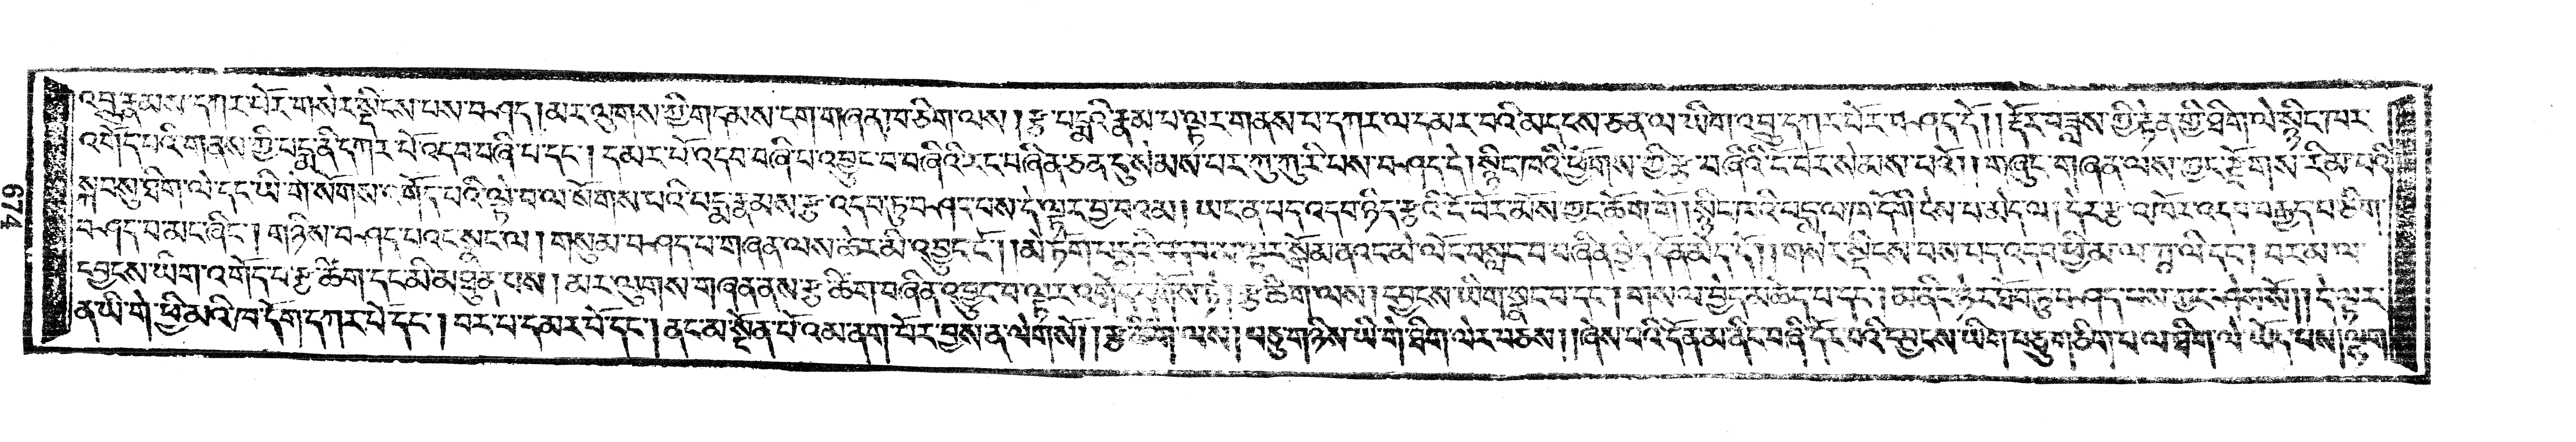འབྲུ་རྣམས་དཀར་པོར་གསེར་སྡིངས་པས་བཤད། མར་ལུགས་ཀྱི་གདམས་ངག་གཞན་ཁ་ཅིག་ལས། རྩ་པདམའི་རྣམ་པ་ལྟར་གནས་པ་དཀར་ལ་དམར་བའི་མདངས་ཅན་ལ་ཡིག་འབྲུ་དཀར་པོར་བཤད་དོ། །རྡོར་བཟླས་ཀྱི་རྟེན་གྱི་ཐིག་ལེ་སྙིང་ཁར་
འགོད་པའི་གནས་ཀྱི་པདམ་ནི་དཀར་པོ་འདབ་བཞི་པ་དང་། དམར་པོ་འདབ་བཞི་པ་འབྱུང་བ་བཞིའི་རང་བཞིན་ཅན་དུ་སེམས་པར་ཀུ་ཀུ་རི་པས་བཤད་དེ། སྙིང་ཁའི་ཕྱོགས་ཀྱི་རྩ་བཞིའི་ངོ་བོར་སེམས་པའོ། །གཞུང་གཞན་ལས་ཀྱང་རྫོགས་རིམ་པའི་
སྐབས་སུ་ཐིག་ལེ་དང་ཡི་གེ་སོགས་འགོད་པའི་ལྟེ་བ་ལ་སོགས་པའི་པདམ་རྣམས་རྩ་འདབ་ཏུ་བཤད་པས་དེ་ལྟར་བྱ་བའམ། ཡང་ན་པད་འདབ་ཉིད་རྩའི་ངོ་བོར་མོས་ཀྱང་ཆོག་གོ །སྙིང་ཁའི་པདམ་ལ་ཁ་དོག་གི་ངེས་པ་མེད་ལ། དེར་རྩ་འཁོར་འདབ་བརྒྱད་པ་ཅིག་
བཤད་པ་མང་ཞིང་། གཉིས་བཤད་པའང་སྣང་ལ། གསུམ་བཤད་པ་གཞན་ལས་ཆེར་མི་འབྱུང་ངོ། །མེ་ཏོག་པདམའི་འདབ་མ་ལྟར་སྒོམ་ནའང་མེ་ལོང་བསླང་བ་བཞིན་བྱེད་དོན་མེད་དོ། །གསེར་སྡིངས་པས་པད་འདབ་ཕྱི་མ་ལ་ཀཱ་ལི་དང་། བར་མ་ལ་
དབྱངས་ཡིག་འགོད་པ་རྩ་ཚིག་དང་མི་མཐུན་པས། མར་ལུགས་གཞན་ནས་རྩ་ཚིག་བཞིན་འབྱུང་བ་ལྟར་འགོད་དགོས་ཏེ། རྩ་ཚིག་ལས། དབྱངས་ཡིག་སྣང་བ་དང་། གསལ་བྱེད་མཆོད་པ་དང་། མ་ནིང་ཉེར་ཐོབ་ཏུ་བཤད་པས་ཀྱང་ཤེས་སོ། །དེ་ལྟར་
ན་ཡི་གེ་ཕྱི་མའི་ཁ་དོག་དཀར་པོ་དང་། བར་པ་དམར་པོ་དང་། ནང་མ་སྔོན་པོ་འམ་ནག་པོར་བྱས་ན་ལེགས་སོ། །རྩ་ཚིག་ལས། བཅུ་གཉིས་ཡི་གེ་ཐིག་ལེར་བཅས། །ཞེས་པའི་དོན་མ་ནིང་བཞི་དོར་བའི་དབྱངས་ཡིག་བཅུ་གཅིག་པ་ལ་ཐིག་ལེ་ཡོད་པས། ལྷག་